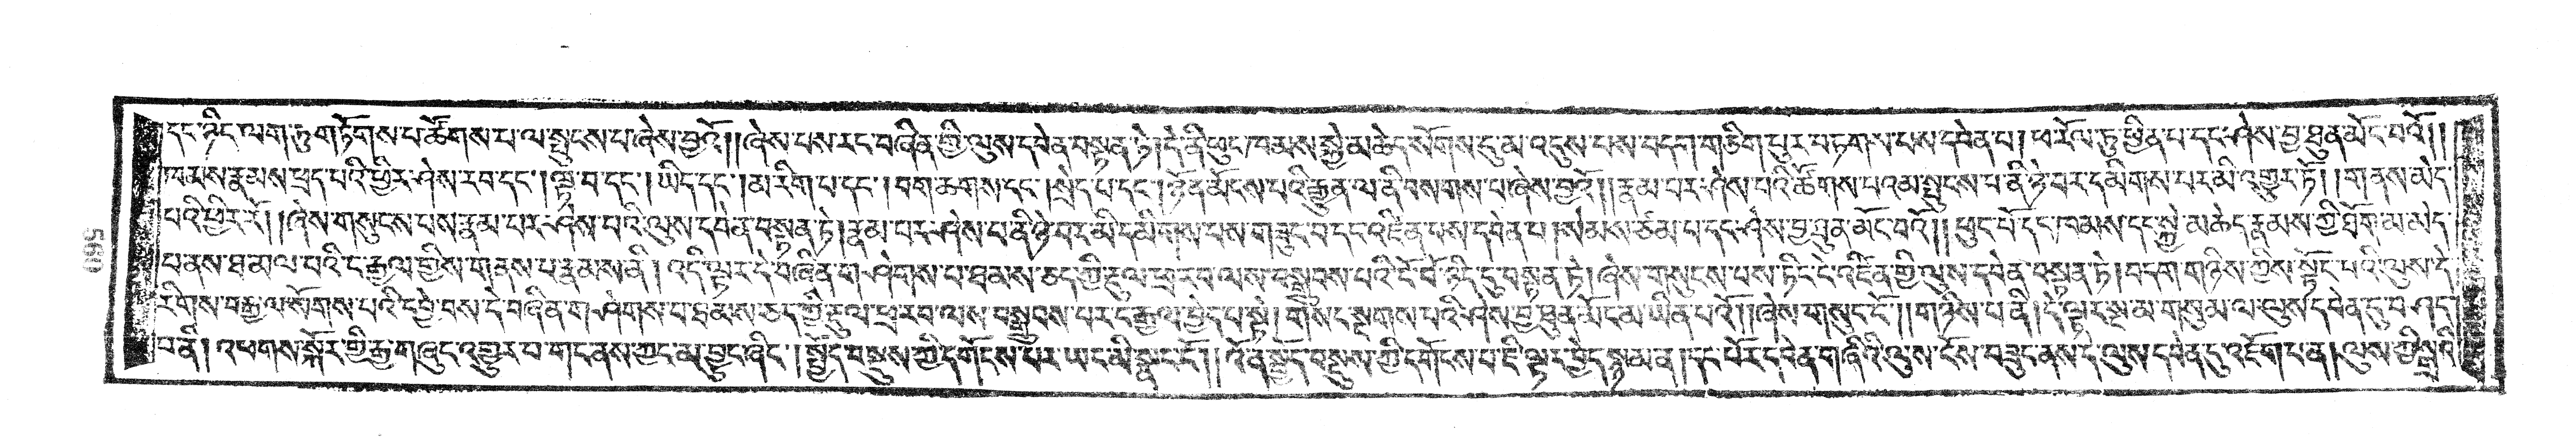དང་ཉིང་ལག་ཏུ་གཏོགས་པ་ཚོགས་པ་ལ་སྤུངས་པ་ཞེས་བྱའོ། །ཞེས་པས་རང་བཞིན་གྱི་ལུས་དབེན་བསྟན་ཏེ། དེ་ནི་ཕུང་ཁམས་སྐྱེ་མཆེད་སོགས་དུ་མ་འདུས་པས་པས་བདག་གཅིག་ཕུར་བཏགས་པས་བདེན་པ། ཕ་རོལ་ཏུ་ཕྱིན་པ་དང་ཤེས་བྱ་ཐུན་མོང་བའོ། །
ཁམས་རྣམས་ཕྲད་པའི་ཕྱིར་ཤེས་རབ་དང་། ལྟ་བ་དང་། ཡིད་དང་། མ་རིག་པ་དང་། བག་ཆགས་དང་། སྲེད་པ་དང་། ཉོན་མོངས་པའི་རྒྱུན་ལ་ནི་བསགས་པ་ཞེས་བྱའོ། །རྣམ་པར་ཤེས་པའི་ཚོགས་པའམ་སྤུངས་པ་ནི་ཉེ་བར་དམིགས་པར་མི་འགྱུར་ཏོ། །གནས་མེད་
པའི་ཕྱིར་རོ། །ཞེས་གསུངས་པས་རྣམ་པར་ཤེས་པའི་ལུས་དབེན་སྟན་ཏེ། རྣམ་པར་ཤེས་པ་ནི་ཉེ་བར་མི་དམིགས་པས་གཟུང་བ་དང་འཛིན་པས་དབེན་པ། སེམས་ཙམ་པ་དང་ཤེས་བྱ་ཐུན་མོང་བའོ། །ཕུང་པོ་དང་ཁམས་དང་སྐྱེ་མཆེད་རྣམས་ཀྱི་ཐོག་མ་མེད་
པ་ནས་ཐ་མལ་པའི་ང་རྒྱལ་གྱིས་གནས་པ་རྣམས་ན། འདི་ལྟར་དེ་བཞིན་གཤེགས་པ་ཐམས་ཅད་ཀྱི་རྡུལ་ཕྲ་རབ་ལས་བསྒྲུབས་པའི་ངོ་བོ་ཉིད་དུ་བསྟན་ཏེ། ཞེས་གསུངས་པས་ཏིང་ངེ་འཛིན་གྱི་ལུས་དབེན་བསྟན་ཏེ། བདག་གཉིས་ཀྱི་སྟོང་པའི་ལུས་དེ་
རིགས་བརྒྱ་ལ་སོགས་པའི་དབྱེ་བས་དེ་བཞིན་གཤེགས་པ་ཐམས་ཅད་ཀྱི་རྡུལ་ཕྲ་རབ་ལས་བསྒྲུབས་པར་ང་རྒྱལ་བྱེད་པ་སྟེ། གསང་སྔགས་པའི་ཤེས་བྱ་ཐུན་མོང་མ་ཡིན་པའོ། །ཞེས་གསུངས་ངོ། །གཉིས་པ་ནི། དེ་ལྟར་སྔ་མ་གསུམ་ལ་ལུས་དབེན་དུ་བཤད་
པ་ནི། འཕགས་སྐོར་གྱི་རྒྱ་གཞུང་འགྱུར་པ་གང་ནས་ཀྱང་མ་བྱུང་ཞིང་། སྤྱོད་བསྡུས་ཀྱི་དགོངས་པར་ཡང་མི་སྣང་ངོ། །འོ་ན་སྤྱོད་བསྡུས་ཀྱི་དགོངས་པ་ཇི་ལྟར་བྱེད་སྙམ་ན། དང་པོར་དབེན་གཞིའི་ལུས་ངོས་བཟུང་ནས་དེ་ལུས་དབེན་དུ་འཇོག་པ་ན། ལུས་ཀྱི་སྒྲའི་